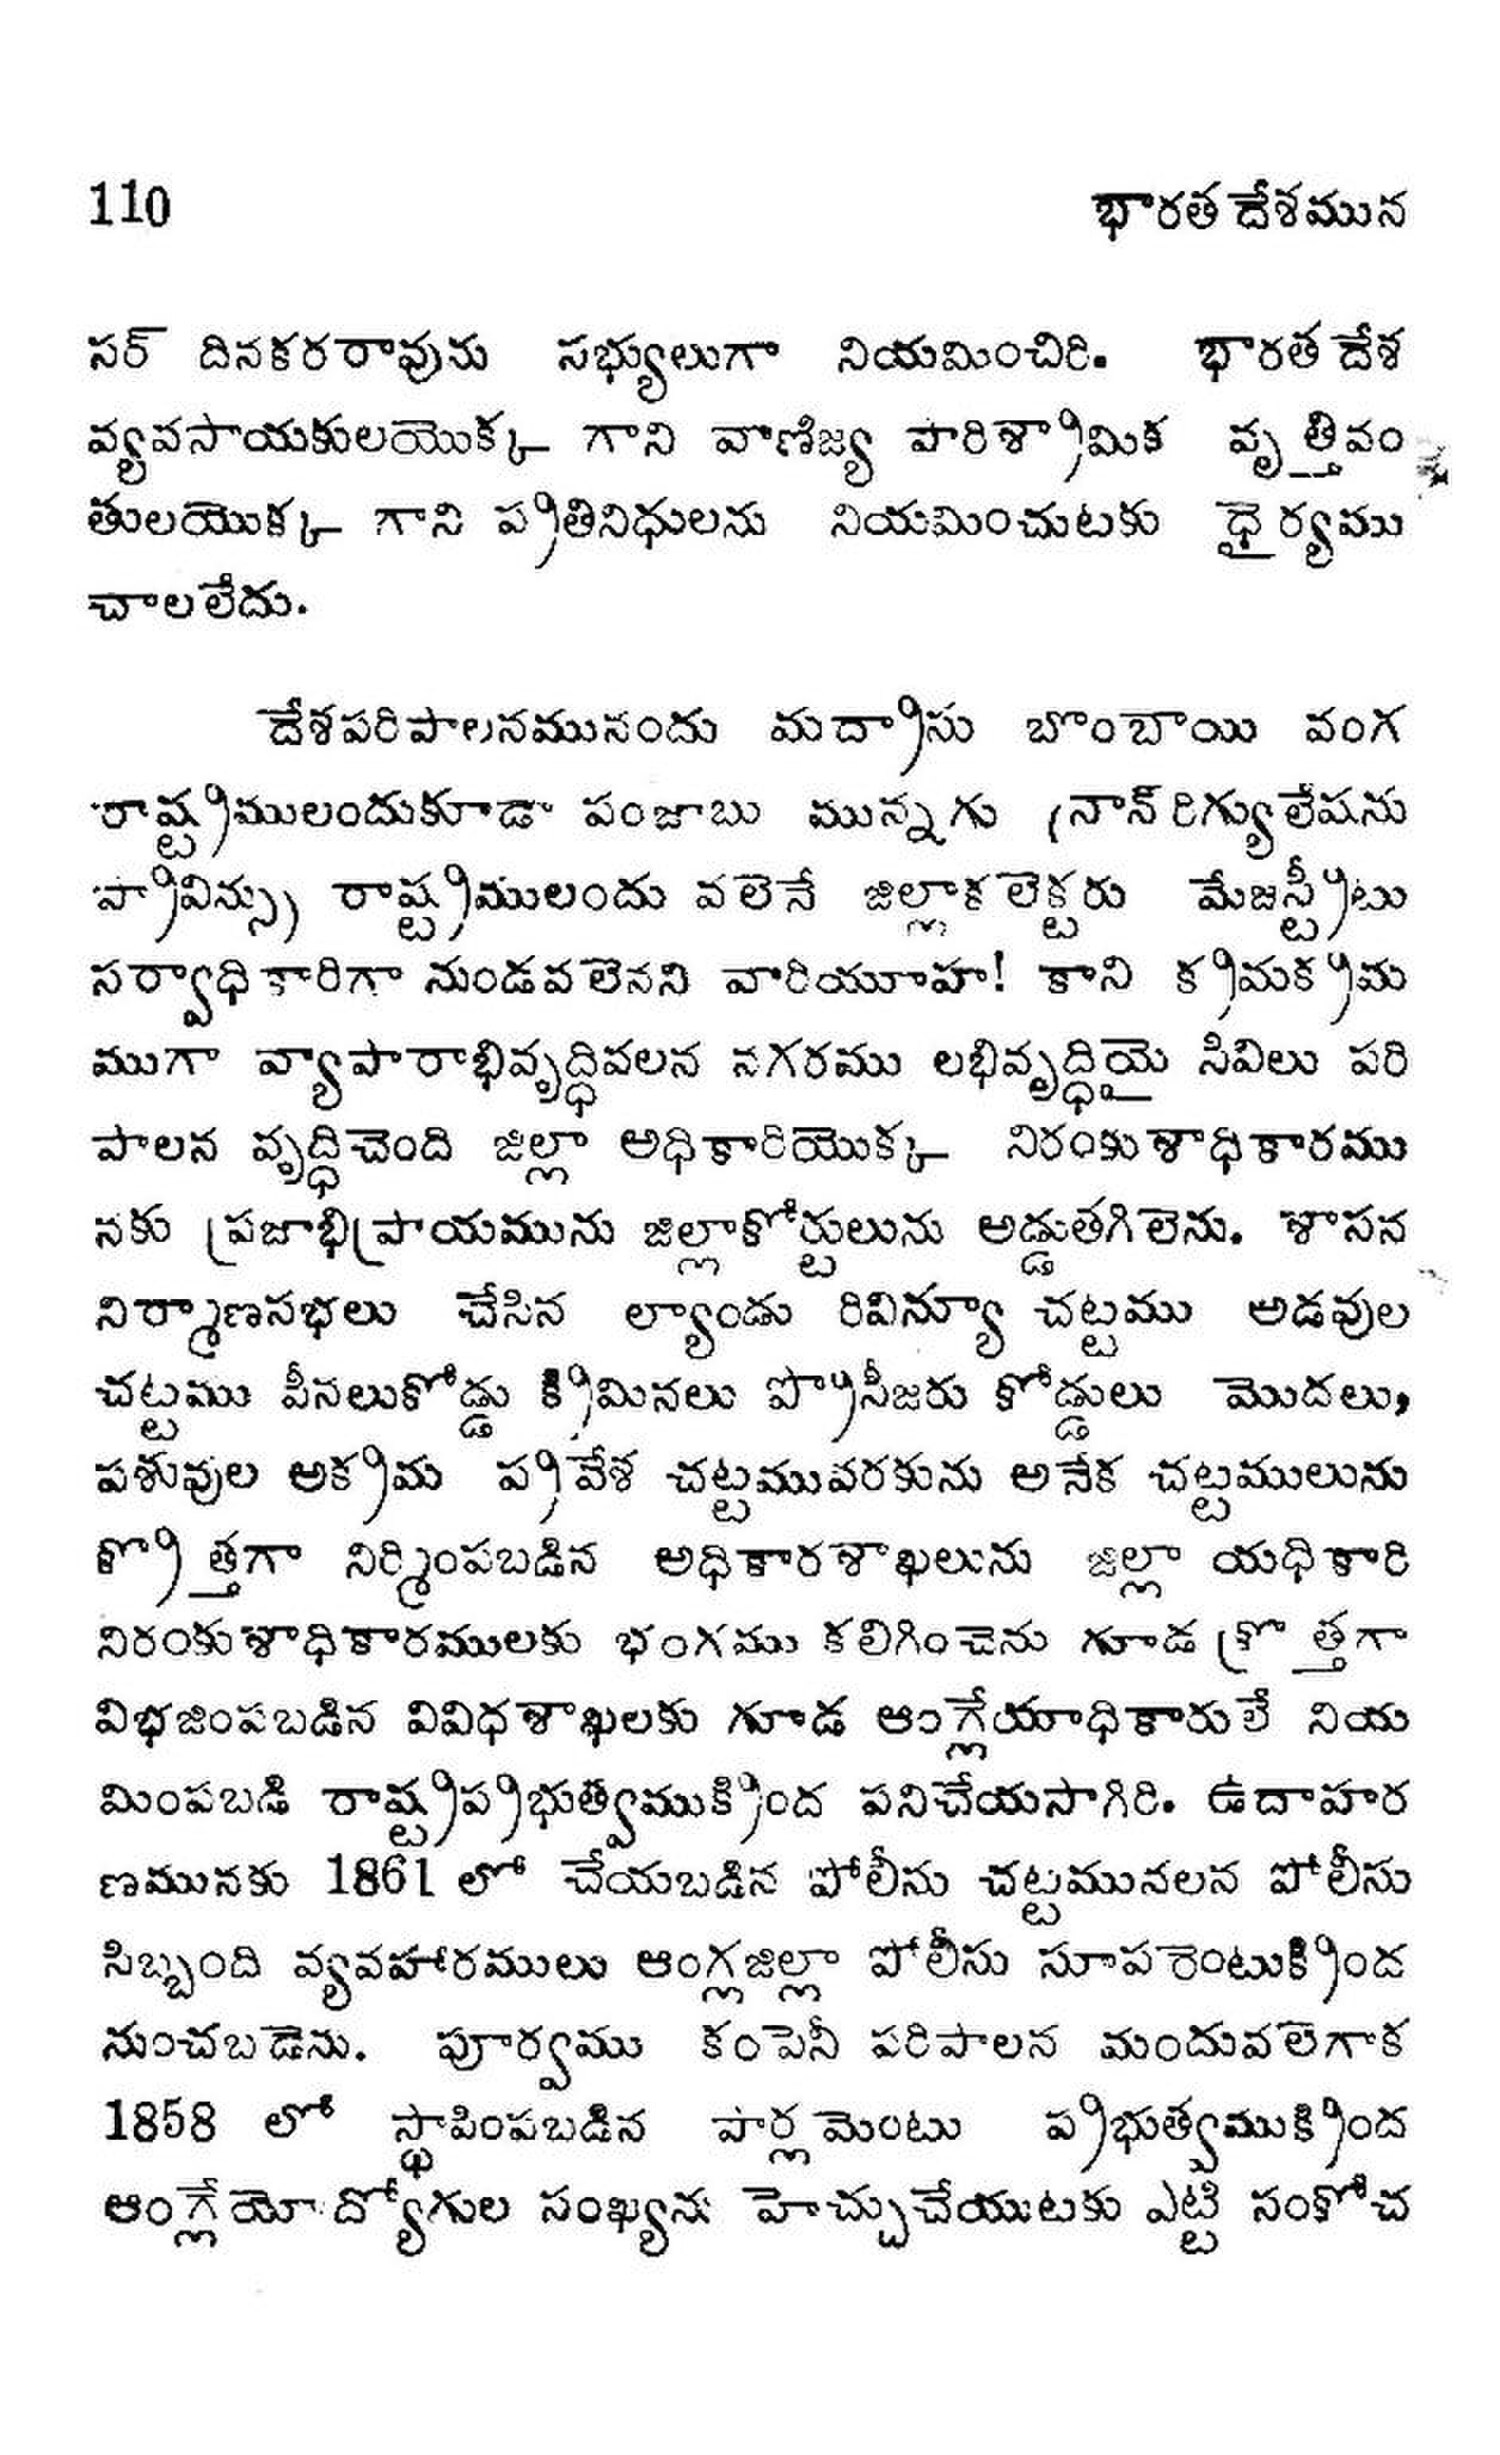సర్ దినకరరావును సభ్యులుగా నియమించిరి. భారతదేశ వ్యవసాయకులయొక్క గాని వాణిజ్య పారిశ్రామిక వృత్తివంతులయొక్క గాని ప్రతినిధులను నియమించుటకు ధైర్యము చాలలేదు.

దేశపరిపాలనమునందు మద్రాసు బొంబాయి వంగరాష్ట్రములందుకూడా పంజాబు మున్నగు (నాన్ రెగ్యులేషను ప్రావిన్సు) రాష్ట్రములందు వలెనే జిల్లాకలెక్టరు మేజస్ట్రీటు సర్వాధికారిగా నుండవలెనని వారియూహ! కాని క్రమక్రమముగా వ్యాపారాభివృద్ధివలన నగరము లభివృద్ధియై సివిలు పరిపాలన వృద్ధిచెంది జిల్లా అధికారియొక్క నిరంకుశాధికారమునకు ప్రజాభిప్రాయమును జిల్లాకోర్టులును అడ్డుతగిలెను. శాసన నిర్మాణసభలు చేసిన ల్యాండు రివిన్యూ చట్టము అడవుల చట్టము పీనలుకోడ్డు క్రిమినలు పొసీజరు కోడ్డులు మొదలు, పశువుల అక్రమ ప్రవేశ చట్టమువరకును అనేక చట్టములును క్రొత్తగా నిర్మింపబడిన అధికారశాఖలును జిల్లా యధికారి నిరంకుశాధికారములకు భంగము కలిగించెను గూడ క్రొత్తగా విభజింపబడిన వివిధశాఖలకు గూడ ఆంగ్లేయాధికారులే నియమింపబడి రాష్ట్రప్రభుత్వముక్రింద పనిచేయసాగిరి. ఉదాహరణమునకు 1861 లో చేయబడిన పోలీసు చట్టమువలన పోలీసు సిబ్బంది వ్యవహారములు ఆంగ్లజిల్లా పోలీసు సూపరెంటుక్రింద నుంచబడెను. పూర్వము కంపెనీ పరిపాలన మందువలెగాక 1858 లో స్థాపింపబడిన పార్లమెంటు ప్రభుత్వముక్రింద ఆంగ్లేయోద్యోగుల సంఖ్యను హెచ్చుచేయుటకు ఎట్టి సంకోచ